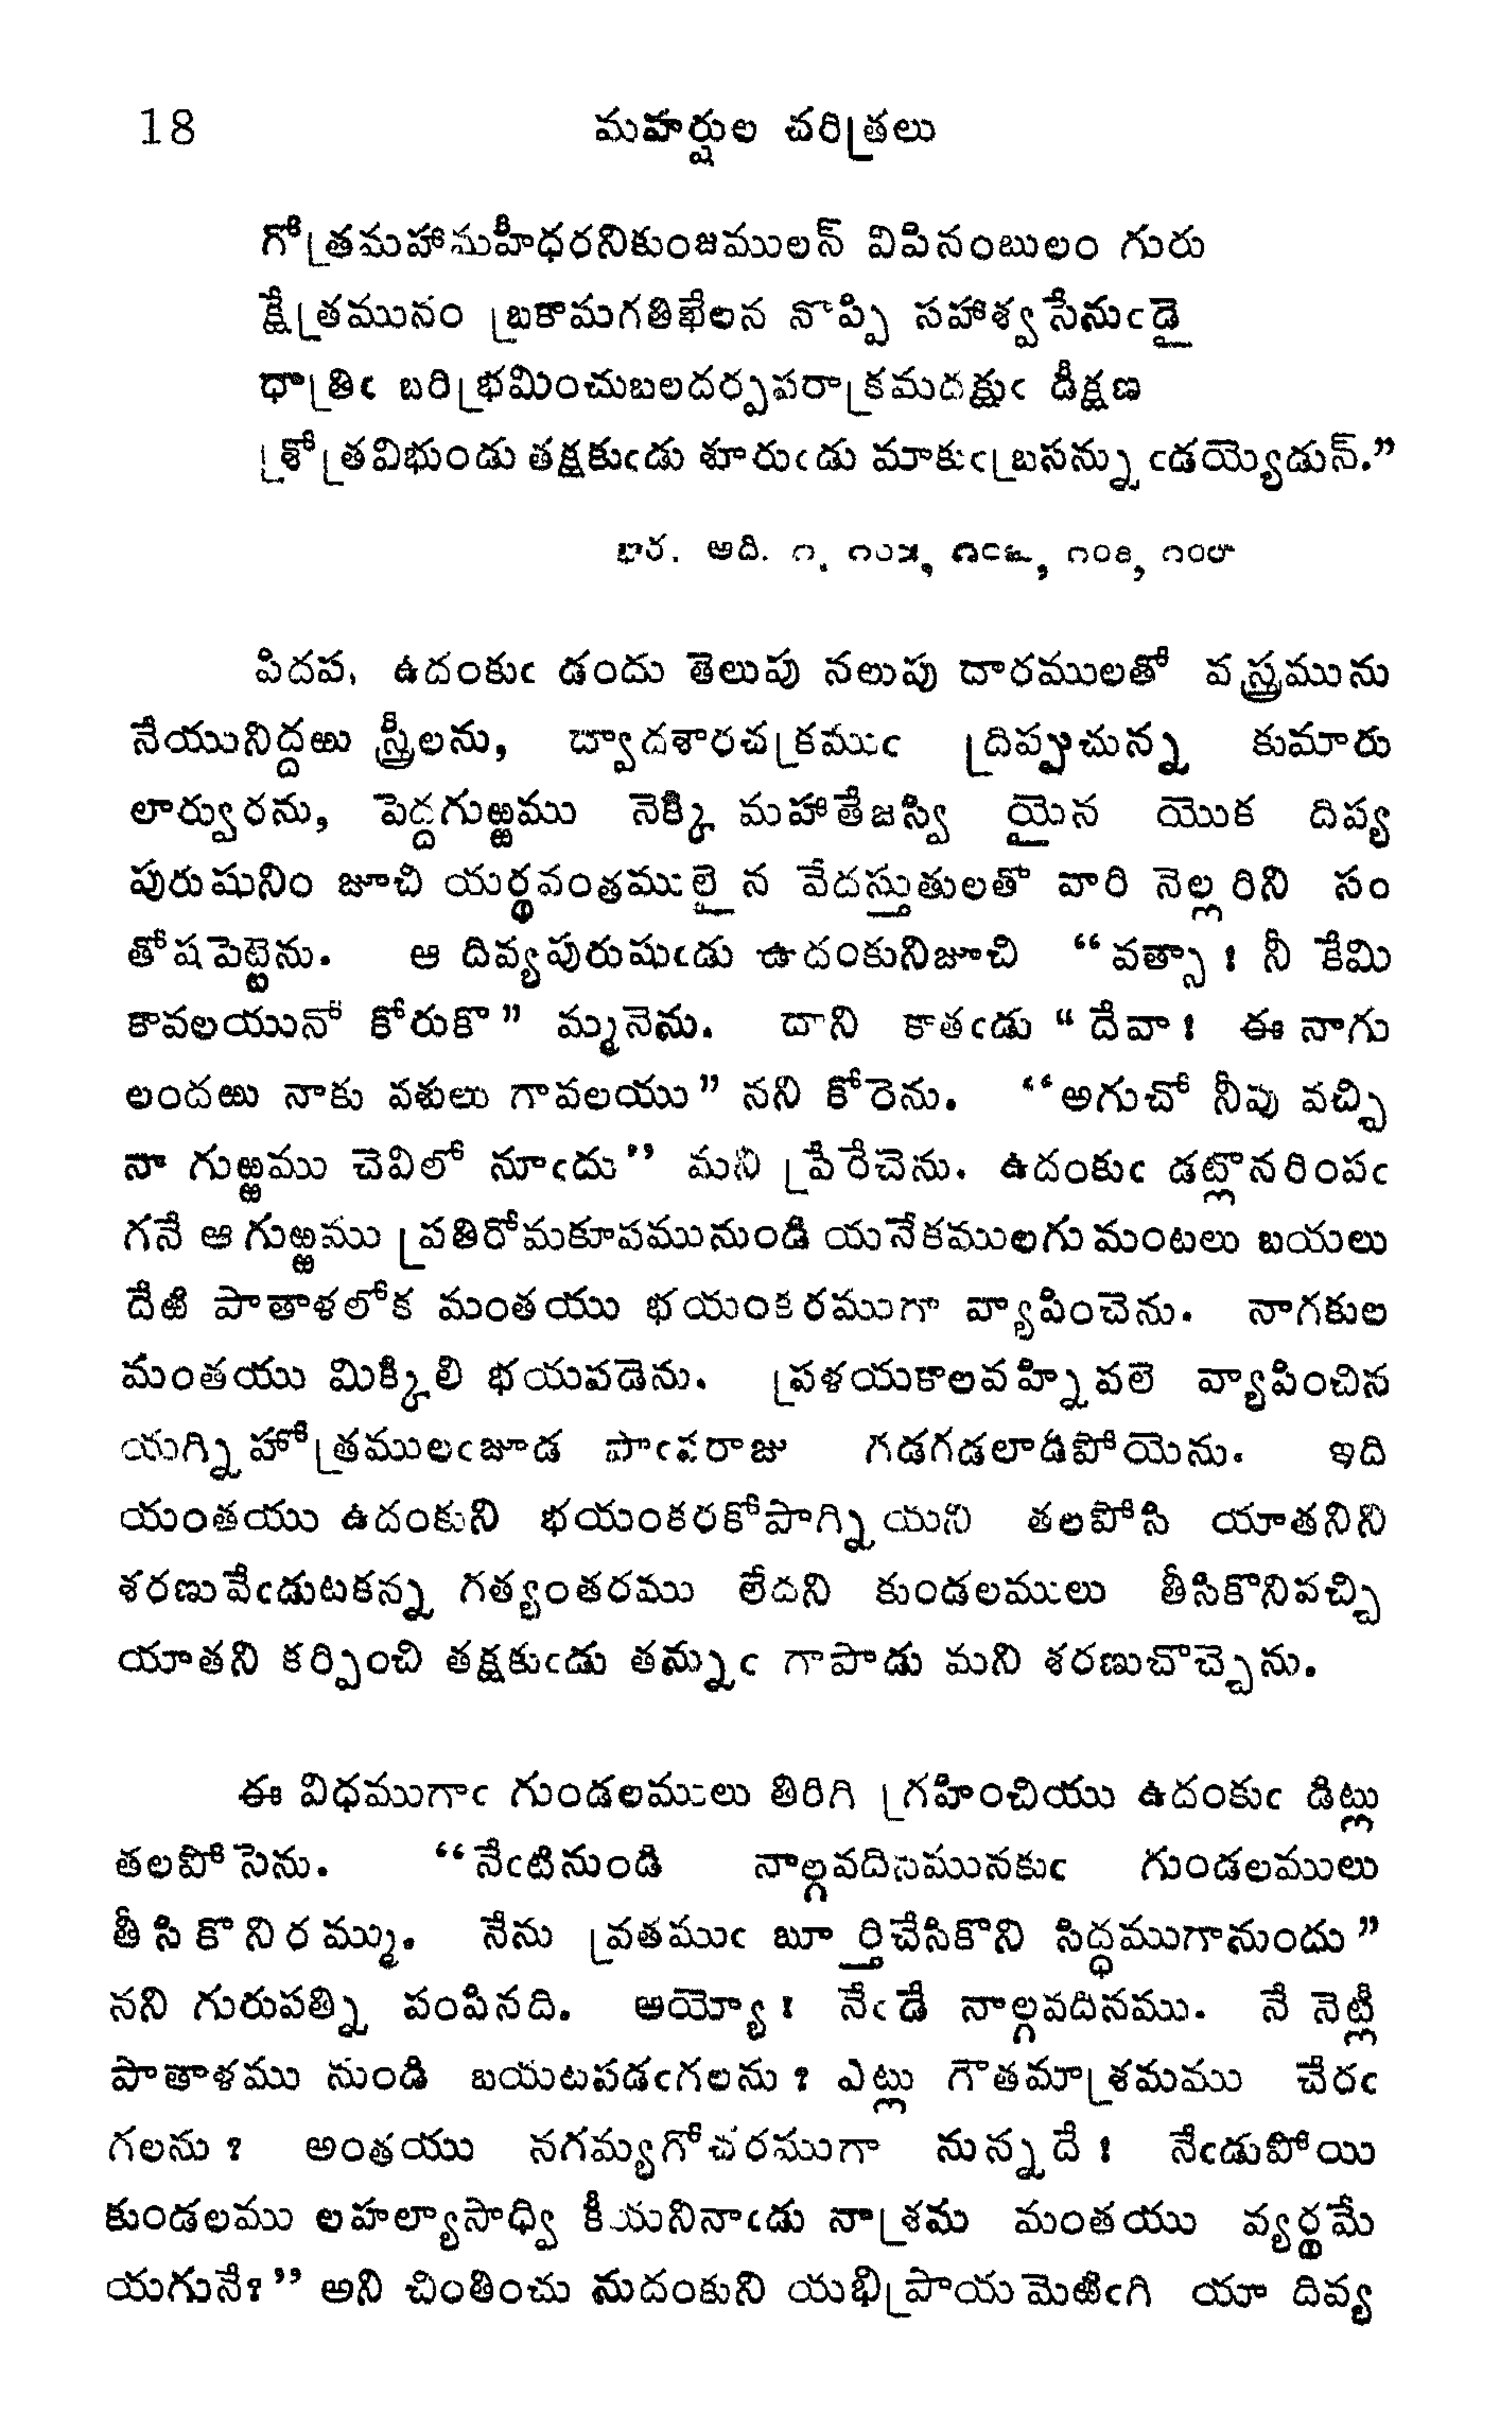గోత్రమహామహీధరనికుంజములన్ విపినంబులం గురు 
క్షేత్రమునం బ్రకామగతిఖేలన నొప్పి సహాశ్వసేనుఁడై 
ధాత్రిఁ బరిభ్రమించుబలదర్పపరాక్రమదక్షుఁ డీక్షణ
శ్రోత్రవిభుండు తక్షకుఁడు శూరుఁడు మాకుఁబ్రసనుఁడయ్యెడున్.”
 భార. ఆది. 1, 105, 106, 107, 108
పిదప, ఉదంకుఁ డందు తెలుపు నలుపు దారములతో వస్త్రమును నేయునిద్దఱు స్త్రీలను, ద్వాదశారచక్రముఁ ద్రిప్పుచున్న కుమారు లార్వు రను, పెద్దగుఱ్ఱము నెక్కి మహాతేజస్వి యైన యొక దివ్య పురుషునిం జూచి యర్థవంతములైన వేదస్తుతులతొ వారి నెల్లరిని సంతోష పెట్టెను. ఆ దివ్యపురుషుఁడు ఉదంకునిజూచి "వత్సా ! నీ కేమి కావలయునో కోరుకొ" మ్మనెను. దాని కాతఁడు "దేవా! ఈ నాగు లందఱు నాకు వశులు గావలయు” నని కోరెను. “అగుచో నీవు వచ్చి నా గుఱ్ఱము చెవిలో నూఁదు" మని ప్రేరేచెను. ఉదంకుఁ డట్లొనరింపఁగనే ఆ గుఱ్ఱము ప్రతిరోమకూపమునుండి యనేకములగుమంటలు బయలుదేఱి పాతాళలోక మంతయు భయంకరముగా వ్యాపించెను. నాగకుల మంతయు మిక్కిలి భయపడెను. ప్రళయకాలవహ్నివలె వ్యాపించిన యగ్ని హోత్రములఁజూడ పాఁపరాజు గడగడలాడిపోయెను. ఇది యంతయు ఉదంకుని భయంకరకోపాగ్ని యని తలపోసి యాతనిని శరణువేఁడుటకన్న గత్యంతరము లేదని కుండలములు తీసికొనివచ్చి యాతని కర్పించి తక్షకుఁడు తన్నుఁ గాపాడు మని శరణుజొచ్చెను.

ఈ విధముగాఁ గుండలములు తిరిగి గ్రహించియు ఉదంకుఁ డిట్లు తలపోసెను. “నేఁటినుండి నాల్గవదినమునకుఁ గుండలములు తీసికొనిరమ్ము. నేను వ్రతముఁ బూ ర్తిచేసికొని సిద్ధముగా నుందు" నని గురుపత్ని పంపినది. అయ్యో! నేఁడే నాల్గవదినము. నే నెట్లీ పాతాళము నుండి బయటపడఁగలను ? ఎట్లు గౌతమాశ్రమము చేరఁ గలను ? అంతయు నగమ్యగోచరముగా నున్నదే ! నేఁడుపోయి కుండలము అహల్యాసాధ్వి కీయనినాఁడు నాశ్రమ మంతయు వ్యర్థమే యగునే? ” అని చింతించు మదంకుని యభిప్రాయ మెఱిఁగి యా దివ్య